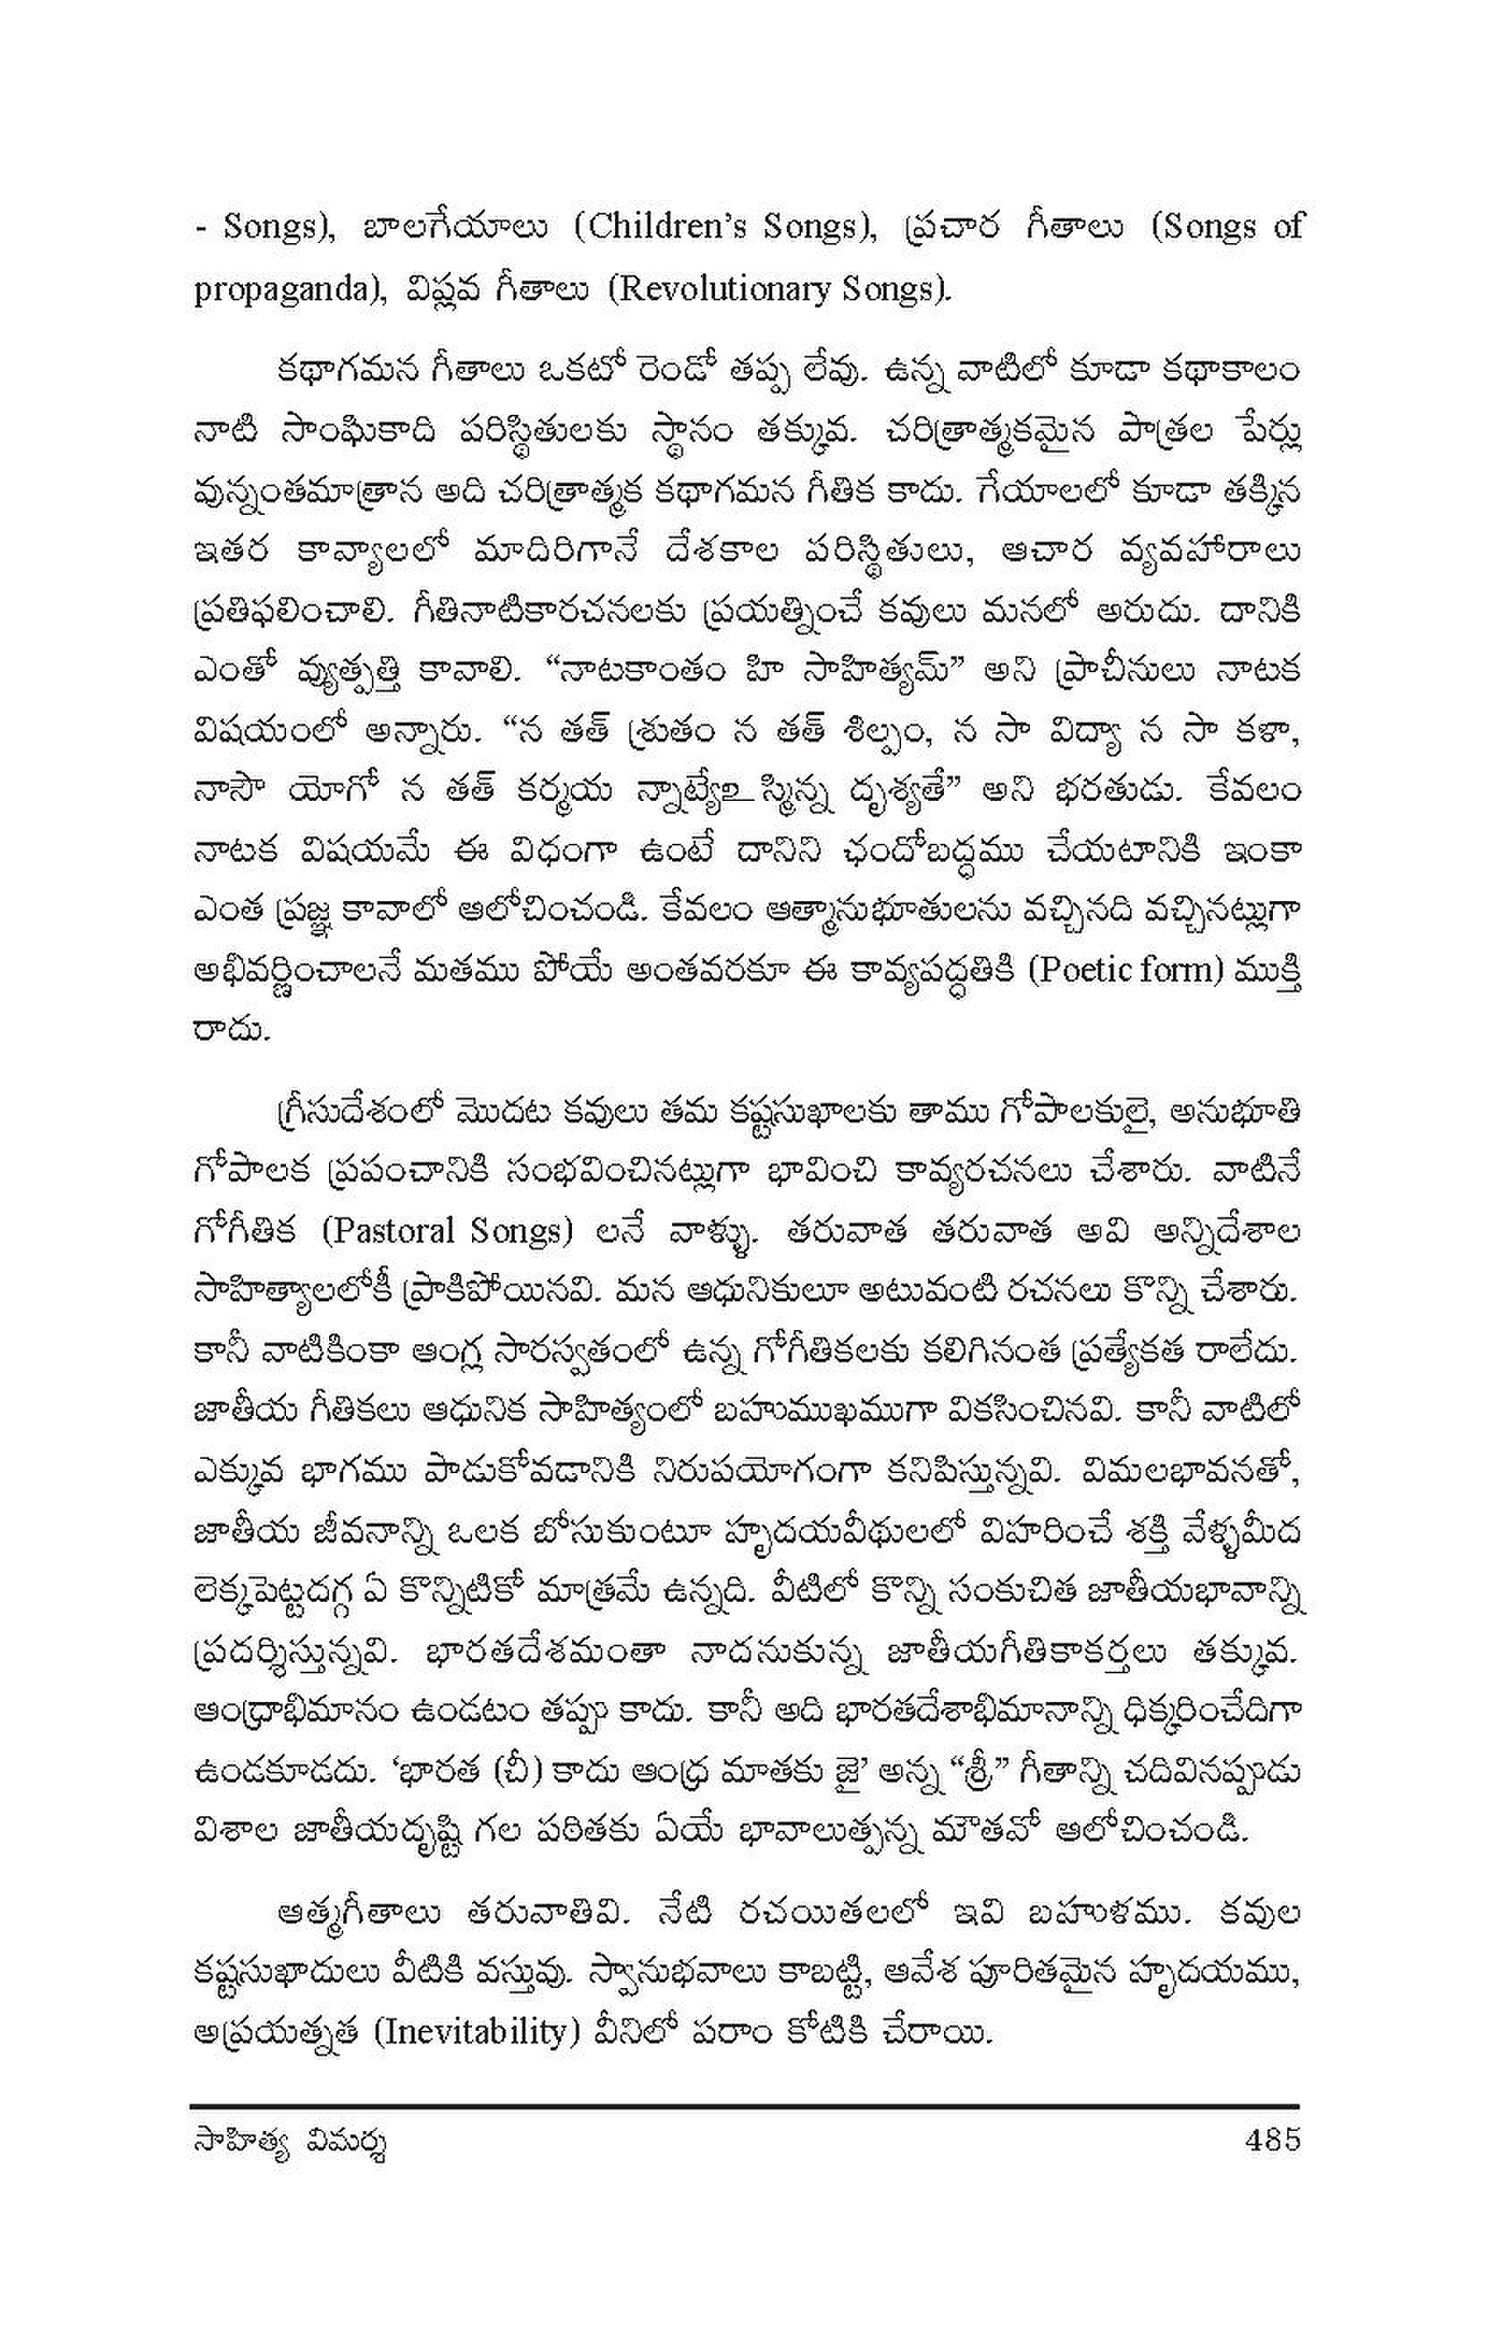- Songs), బాలగేయాలు (Children's Songs), ప్రచార గీతాలు (Songs of
propaganda), విప్లవ గీతాలు (Revolutionary Songs).

కథాగమన గీతాలు ఒకటో రెండో తప్ప లేవు. ఉన్న వాటిలో కూడా కథాకాలం
నాటి సాంఘికాది పరిస్థితులకు స్థానం తక్కువ. చరిత్రాత్మకమైన పాత్రల పేర్లు
వున్నంతమాత్రాన అది చరిత్రాత్మక కథాగమన గీతిక కాదు. గేయాలలో కూడా తక్కిన
ఇతర కావ్యాలలో మాదిరిగానే దేశకాల పరిస్థితులు, ఆచార వ్యవహారాలు
ప్రతిఫలించాలి. గీతినాటికారచనలకు ప్రయత్నించే కవులు మనలో అరుదు. దానికి
ఎంతో వ్యుత్పత్తి కావాలి. "నాటకాంతం హి సాహిత్యమ్" అని ప్రాచీనులు నాటక
విషయంలో అన్నారు. “న తత్ శ్రుతం న తత్ శిల్పం, న సా విద్యా న సా కళా,
నాసౌ యోగో న తత్ కర్మయ న్నాట్యే౽ స్మిన్న దృశ్యతే" అని భరతుడు. కేవలం
నాటక విషయమే ఈ విధంగా ఉంటే దానిని ఛందోబద్దము చేయటానికి ఇంకా
ఎంత ప్రజ్ఞ కావాలో ఆలోచించండి. కేవలం ఆత్మానుభూతులను వచ్చినది వచ్చినట్లుగా
అభివర్ణించాలనే మతము పోయే అంతవరకూ ఈ కావ్యపద్ధతికి (Poetic form) ముక్తి
రాదు.

గ్రీసుదేశంలో మొదట కవులు తమ కష్టసుఖాలకు తాము గోపాలకులై, అనుభూతి
గోపాలక ప్రపంచానికి సంభవించినట్లుగా భావించి కావ్యరచనలు చేశారు. వాటినే
గోగీతిక (Pastoral Songs) లనే వాళ్ళు. తరువాత తరువాత అవి అన్నిదేశాల
సాహిత్యాలలోకీ ప్రాకిపోయినవి. మన ఆధునికులూ అటువంటి రచనలు కొన్ని చేశారు.
కానీ వాటికింకా ఆంగ్ల సారస్వతంలో ఉన్న గోగీతికలకు కలిగినంత ప్రత్యేకత రాలేదు.
జాతీయ గీతికలు ఆధునిక సాహిత్యంలో బహుముఖముగా వికసించినవి. కానీ వాటిలో
ఎక్కువ భాగము పాడుకోవడానికి నిరుపయోగంగా కనిపిస్తున్నవి. విమలభావనతో,
జాతీయ జీవనాన్ని ఒలక బోసుకుంటూ హృదయవీథులలో విహరించే శక్తి వేళ్ళమీద
లెక్కపెట్టదగ్గ ఏ కొన్నిటికో మాత్రమే ఉన్నది. వీటిలో కొన్ని సంకుచిత జాతీయభావాన్ని
ప్రదర్శిస్తున్నవి. భారతదేశమంతా నాదనుకున్న జాతీయగీతికాకర్తలు తక్కువ.
ఆంధ్రాభిమానం ఉండటం తప్పు కాదు. కానీ అది భారతదేశాభిమానాన్ని ధిక్కరించేదిగా
ఉండకూడదు. 'భారత (చీ) కాదు ఆంధ్ర మాతకు జై' అన్న “శ్రీ" గీతాన్ని చదివినప్పుడు
విశాల జాతీయదృష్టి గల పరితకు ఏయే భావాలుత్పన్న మౌతనో ఆలోచించండి.

ఆత్మగీతాలు తరువాతివి. నేటి రచయితలలో ఇవి బహుళము. కవుల
కష్టసుఖాదులు వీటికి వస్తువు. స్వానుభవాలు కాబట్టి, ఆవేశ పూరితమైన హృదయము,
అప్రయత్నత (Inevitability) వీనిలో పరాం కోటికి చేరాయి.